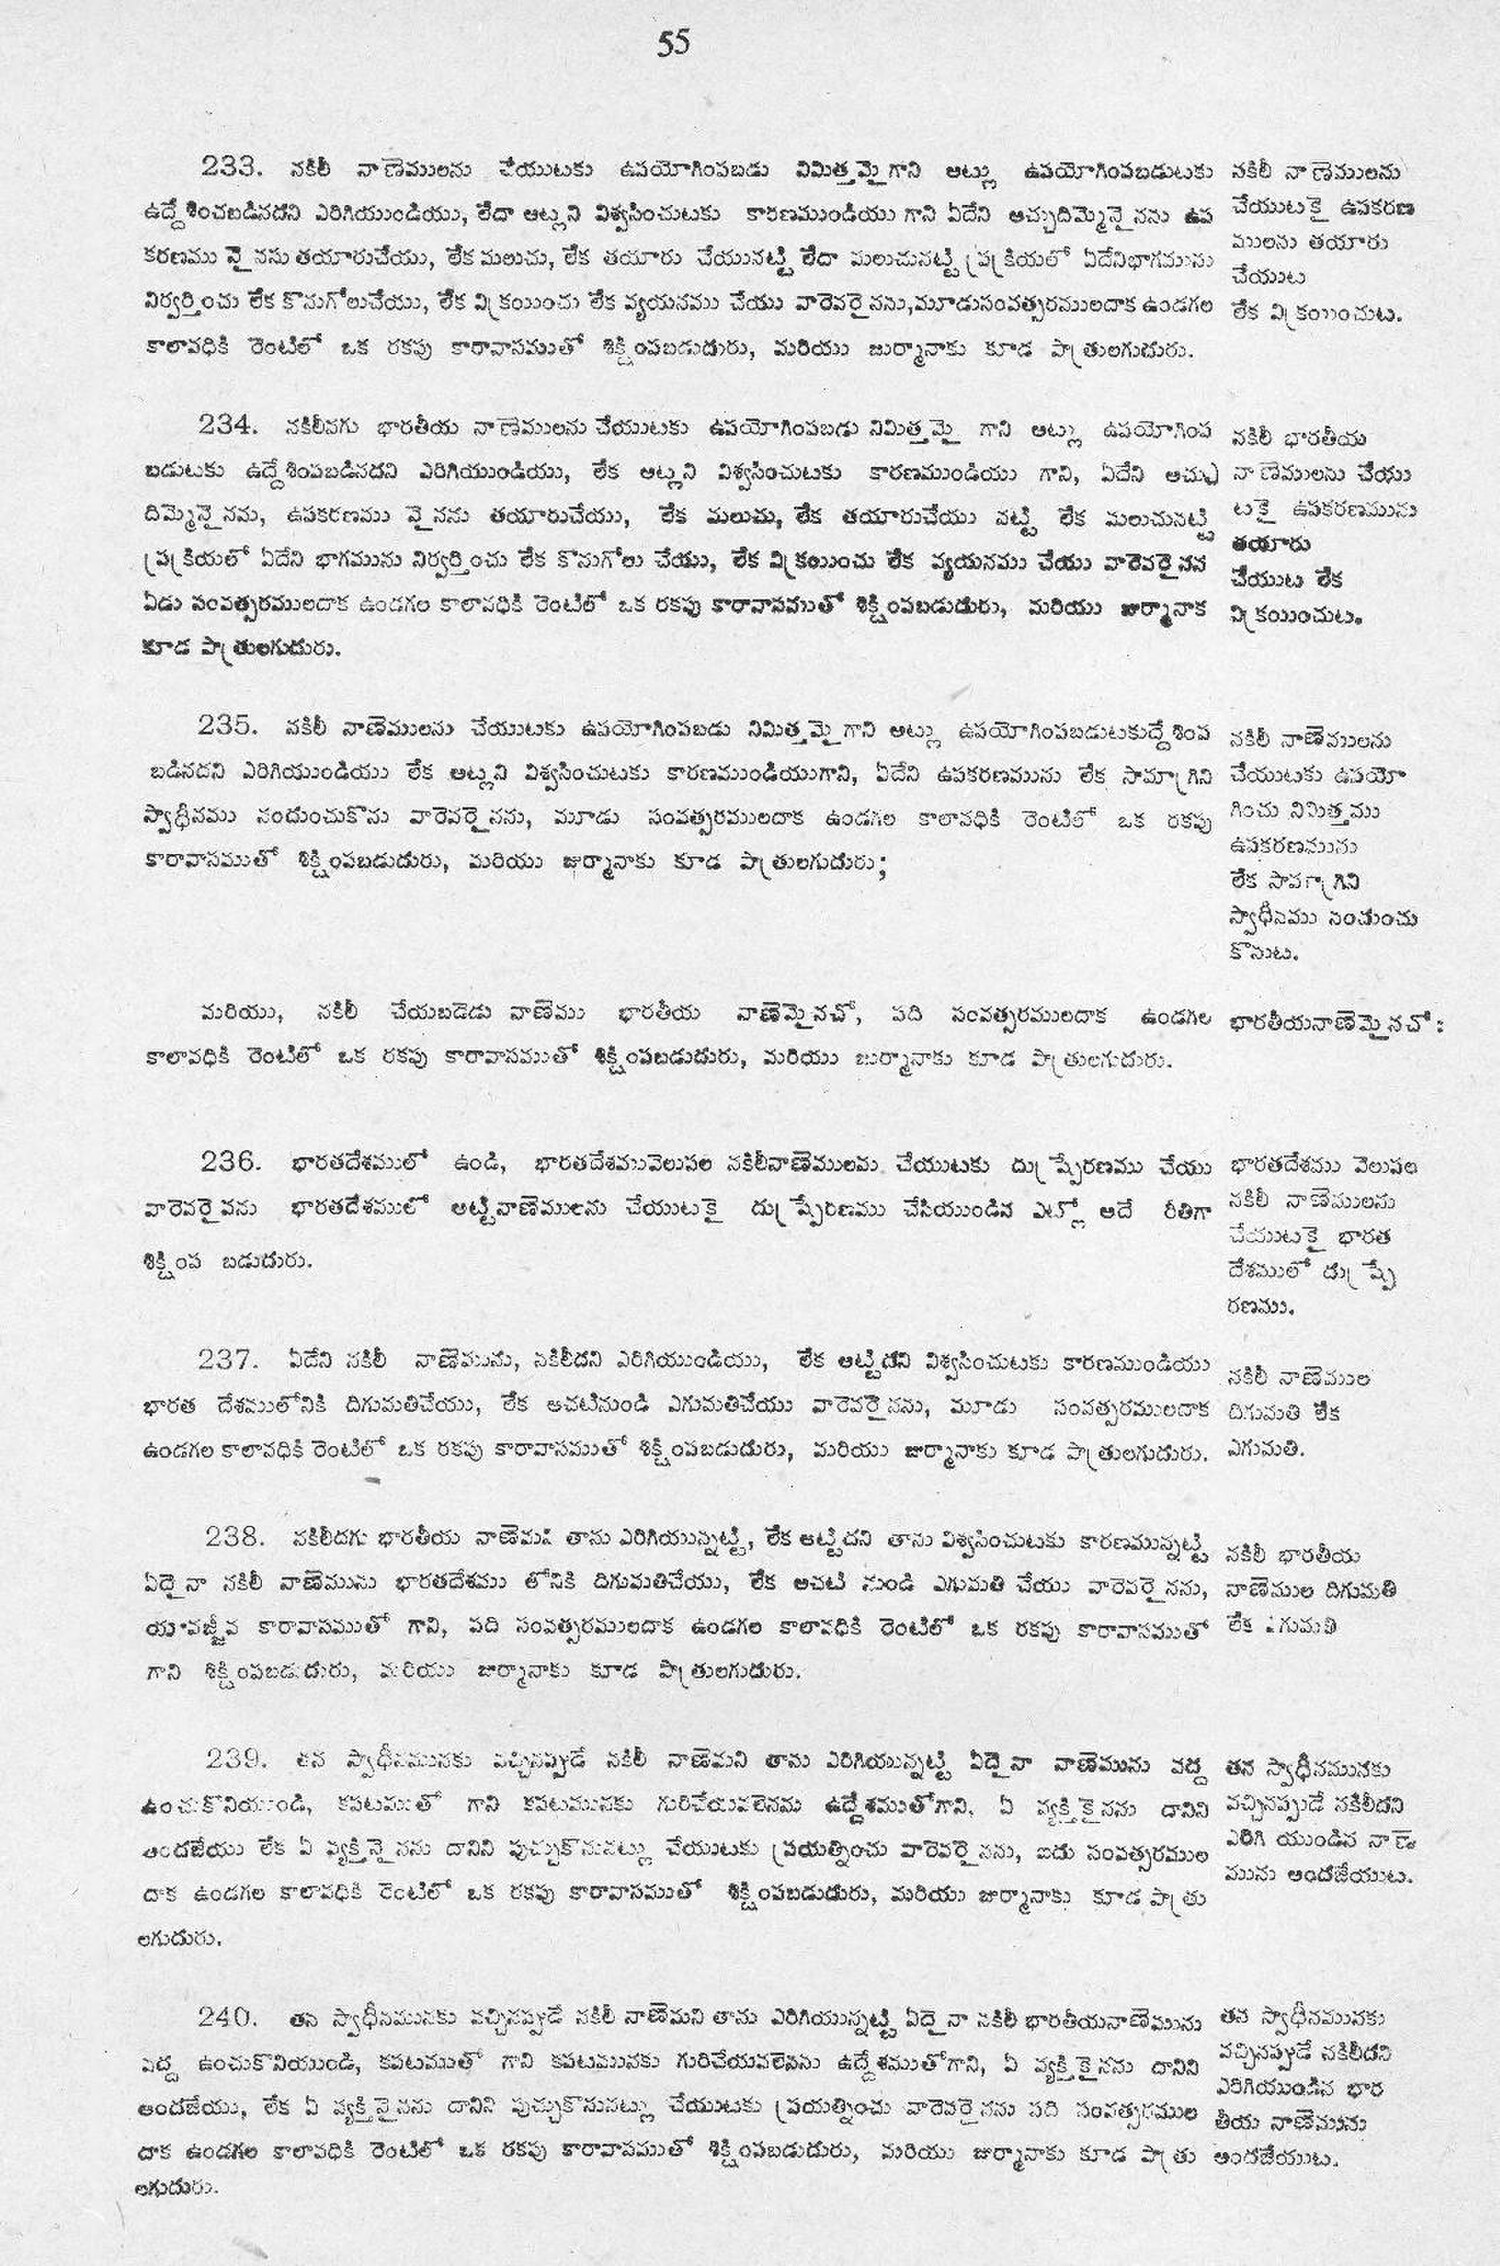నకిలీ నాణెములను చేయుటకై ఉపకరణములను తయారు చేయుట లేక విక్రయించుట.

233. నకిలీ నాణెములను చేయుటకు ఉపయోగింపబడు విమిత్త మై గాని అట్లు ఉపయోగించబడుటకు ఉద్దే శించబడినదని ఎరిగియుండియు, లేదా అట్లని విశ్వసించుటకు కారణముండియు గాని ఏదేని అచ్చుదిమ్మెనై నను ఉపకరణము నైనను తయారుచేయు, లేక మలుచు, లేక తయారు చేయునట్టి లేదా మలుచునట్టి ప్రక్రియలో ఏదేనిభాగమును నిర్వర్తించు లేక కొనుగోలుచేయు, లేక విక్రయించు లేక వ్యయనము చేయు వారెవరైనను, మూడు సంవత్సరములదాక ఉండగల కాలావధికి రెంటిలో ఒక రకపు కారావాసముతో శిక్షింపబడుదురు, మరియు జుర్మానాకు కూడ పాత్రులగుదురు.

నకిలీ భారతీయ నాణేములను చేయుటకై ఉపకరణమును చేయుట లేక విక్రయించుట,

234. నకిలీవగు భారతీయ నాణేములను చేయుటకు ఉపయోగింపబడు నిమిత్తమై గాని అట్లు ఉపయోగింప బడుటకు ఉద్దేశింపబడినదని ఎరిగియుండియు, లేక అట్లని విశ్వసించుటకు కారణముండియు గాని, ఏదేని అచ్చు దిమ్మెనై నను, ఉపకరణము నైనను తయారుచేయు, లేక మలుచు, లేక తయారుచేయు నట్టి లేక మలుచునట్టి ప్రక్రియలో ఏదేని భాగమును నిర్వర్తించు లేక కొనుగోలు చేయు, లేక విక్రయించు లేక వ్యయనము చేయు వారెవరై నన ఏడు సంవత్సరములదాక ఉండగల కాలావధికి రెంటిలో ఒక రకపు కారావాసముతో శిక్షింపబడుదురు, మరియు జుర్మానాకు కూడ పాత్రులగుదురు.

నకిలీ నాణెములను చేయుటకు ఉపయోగించు నిమిత్తము ఉపకరణమును లేక సామాగ్రిని స్వాధీనము నందుంచు కొనుట.

235. నకిలీ నాణెములను చేయుటకు ఉపయోగింపబడు నిమిత్తమై గాని అట్లు ఉపయోగింపబడుటకుద్దేశింప బడినదని ఎరిగియుండియు లేక అట్లని విశ్వసించుటకు కారణముండియుగాని, ఏదేని ఉపకరణమును లేక సామాగ్రిని స్వాధీనము నందుంచుకొను వారెవరైనను, మూడు సంవత్సరములదాక ఉండగల కాలావధికి రెంటిలో ఒక రకపు కారావాసముతో శిక్షింపబడుదురు, మరియు జుర్మానాకు కూడ పాత్రులగుదురు;

భారతీయ నాణెమైనచో:

మరియు, నకిలీ చేయబడెడు వాణెము భారతీయ నాణెమైనచో, పది సంవత్సరములదాక ఉండగల :కాలావధికి రెంటిలో ఒక రకపు కారావాసముతో శిక్షింపబడుదురు, మరియు జుర్మానాకు కూడ పాత్రులగుదురు.

భారతదేశము వెలుపల నకిలీనాణెములను చేయుటకై భారతదేశములో దుష్ఫేరణము.
 

236. భారతదేశములో ఉండి, భారత దేశము వెలుపల నకిలీనాణెములను చేయుటకు దుష్ఫేరణము చేయు వారెవరైనను భారతదేశములో అట్టి నాణెములను చేయుటకై దుష్ఫేరణము చేసియుండిన ఎట్లొ అదే రీతిగా శిక్షింప బడుదురు.

నకిలీ నాణెముల దిగుమతి లేక ఎగుమతి

237. ఏదేని నకిలీ నాణెమును, నకిలీదని ఎరిగియుండియు, లేక ఆట్టి డని విశ్వసించుటకు కారణముండియు భారత దేశములోనికి దిగుమతిచేయు, లేక ఆచటినుండి ఎగుమతిచేయు వారెవరైనను, మూడు సంవత్సరములగాక ఉండగల కాలాధికి రెంటిలో ఒక రకపు కారావాసముతో శిక్షింపబడుదురు, మరియు జూర్మానాకు కూడ పాత్రులగుదురు.

నకిలీ భారతీయ నాణెముల దిగుమతి లేక ఎగుమతి

238. నకిలీదగు భారతీయ నాణెమని తాను ఎరిగియున్నట్టి, లేక అట్టిదని తాను విశ్వసించుటకు కారణమున్నట్టి ఏదైనా నకిలీ నాణెమును భారతదేశము లోనికి దిగుమతిచేయు, లేక అచటి నుండి ఎగుమతి చేయు వారెవరైనను, యావజ్జీవ కారావాసముతో గాని, పది సంవత్సరముల దాక ఉండగల కాలావధికి రెంటిలో ఒక రకపు కారావాసముతో గాని శిక్షింపబడుదురు, మరియు జుర్మానాకు కూడ పాత్రులగుదురు.

తన స్వాధీనమునకు వచ్చినప్పుడే నకిలీదని ఎరిగి యుండిన నాణేమును అందజేయుట.

239. . ఉన స్వాధీనమునకు వచ్చినప్పుడే నకిలీ నాణేమని తాను ఎరిగియున్నట్టి ఏదైనా నాణెమును వద్ద ఉంచుకొనియుండి, కపటముతో గాని కపటమునకు గురిచేయువలెనను ఉద్దేశముతోగాని, ఏ వ్యక్తి కై నను దానిని ఆందజేయు లేక ఏ వ్యక్తి నై నను దానిని పుచ్చుకొనునట్లు చేయుటకు ప్రయత్నించు వారెవరైనను, ఐదు సంవత్సరముల దాక ఉండగల కాలావధికి రెంటిలో ఒక రకపు కారావాసముతో శిక్షింపబడుదురు, మరియు జుర్మానాకు కూడ పాత్రులగుదురు.

తన స్వాధీనమునకు వచ్చినప్పుడే నకిలీదని ఎరిగియుండిన భారతీయ నాణెమును అందజేయుట.

240.తన స్వాధీనమునకు వచ్చినప్పుడే నకిలీ నాణేమని తాను ఎరిగియున్నట్టి ఏదైనా నకిలీ భారతీయ నాణెమును వద్ద ఉంచుకొనియుండి, కపటముతో గాని కపటమునకు గురిచేయవలెనను ఉద్దేశముతోగాని, ఏ వ్యక్తి కై నను దానిని అందజేయు, లేక ఏ వ్యక్తి నై నను దానిని పుచ్చుకొనునట్లు చేయుటకు ప్రయత్నించు వారెవరై నను పది సంవత్సరముల దాక ఉండగల కాలావధికి రెంటిలో ఒక రకపు కారావాసఘుతో శిక్షింపబడుదురు, మరియు జుర్మానాకు కూడ పాత్రులగుదురు.